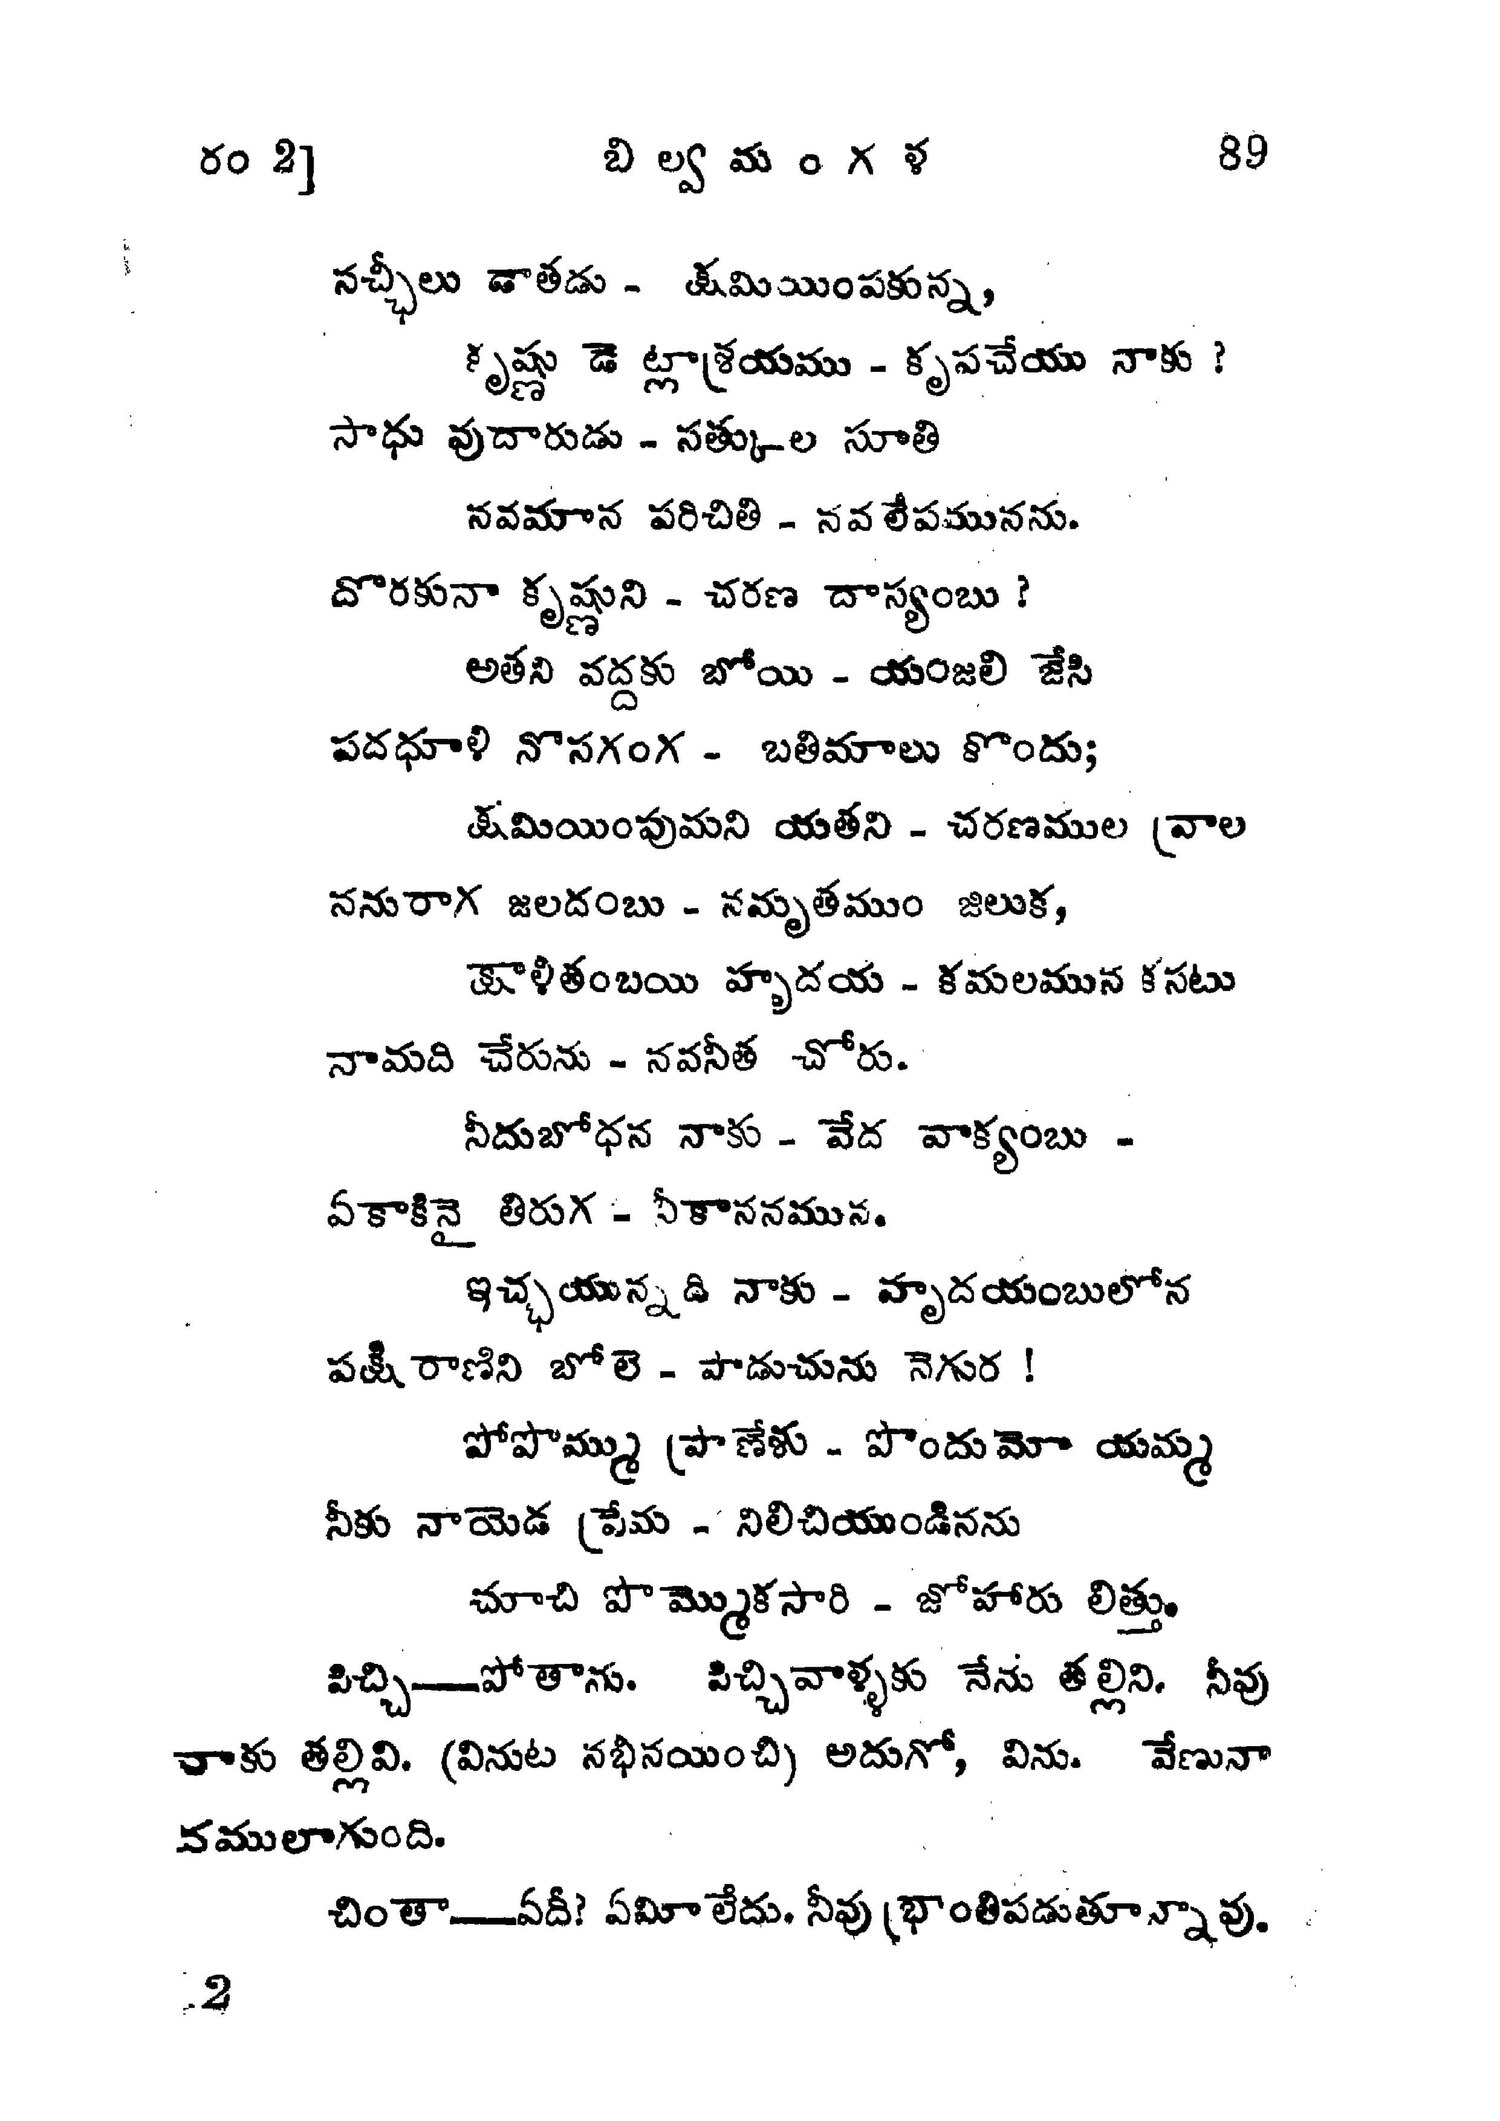సచ్ఛీలు డాతడు - క్షమియింపకున్న,
 కృష్ణు డె ట్లాశ్రయము - కృపచేయు నాకు ?
 సాధు వుదారుడు - సత్కుల సూతి
 నవమాన పరిచితి - నవలేపమునను.
 దొరకునా కృష్ణుని - చరణ దాస్యంబు ?
 అతని వద్దకు బోయి - యంజలి జేసి
 పదధూళి నొసగంగ - బతిమాలు కొందు;
 క్షమియింపుమని యతని - చరణముల వ్రాల
 ననురాగ జలదంబు - నమృతముం జిలుక,
 క్షాళితంబయి హృదయ - కమలమున కసటు
 నామది చేరును - నవనీత చోరు.
 నీదుబోధన నాకు - వేద వాక్యంబు -
 ఏకాకినై తిరుగ - నీకాననమున.
 ఇచ్ఛయున్నది నాకు - హృదయంబులోన
 పక్షి రాణిని బోలె - పాడుచును నెగుర !
 పోపొమ్ము ప్రాణేశు - పొందుమో యమ్మ
 నీకు నాయెడ ప్రేమ - నిలిచియుండినను
 చూచి పొమ్మొకసారి - జోహారు లిత్తు.

పిచ్చి - పోతాను. పిచ్చివాళ్ళకు నేను తల్లిని. నీవు నాకు తల్లివి. (వినుట నభినయించి) అదుగో, విను. వేణునాదములాగుంది.

చింతా - ఏదీ? ఏమీలేదు. నీవు భ్రాంతిపడుతూన్నావు.